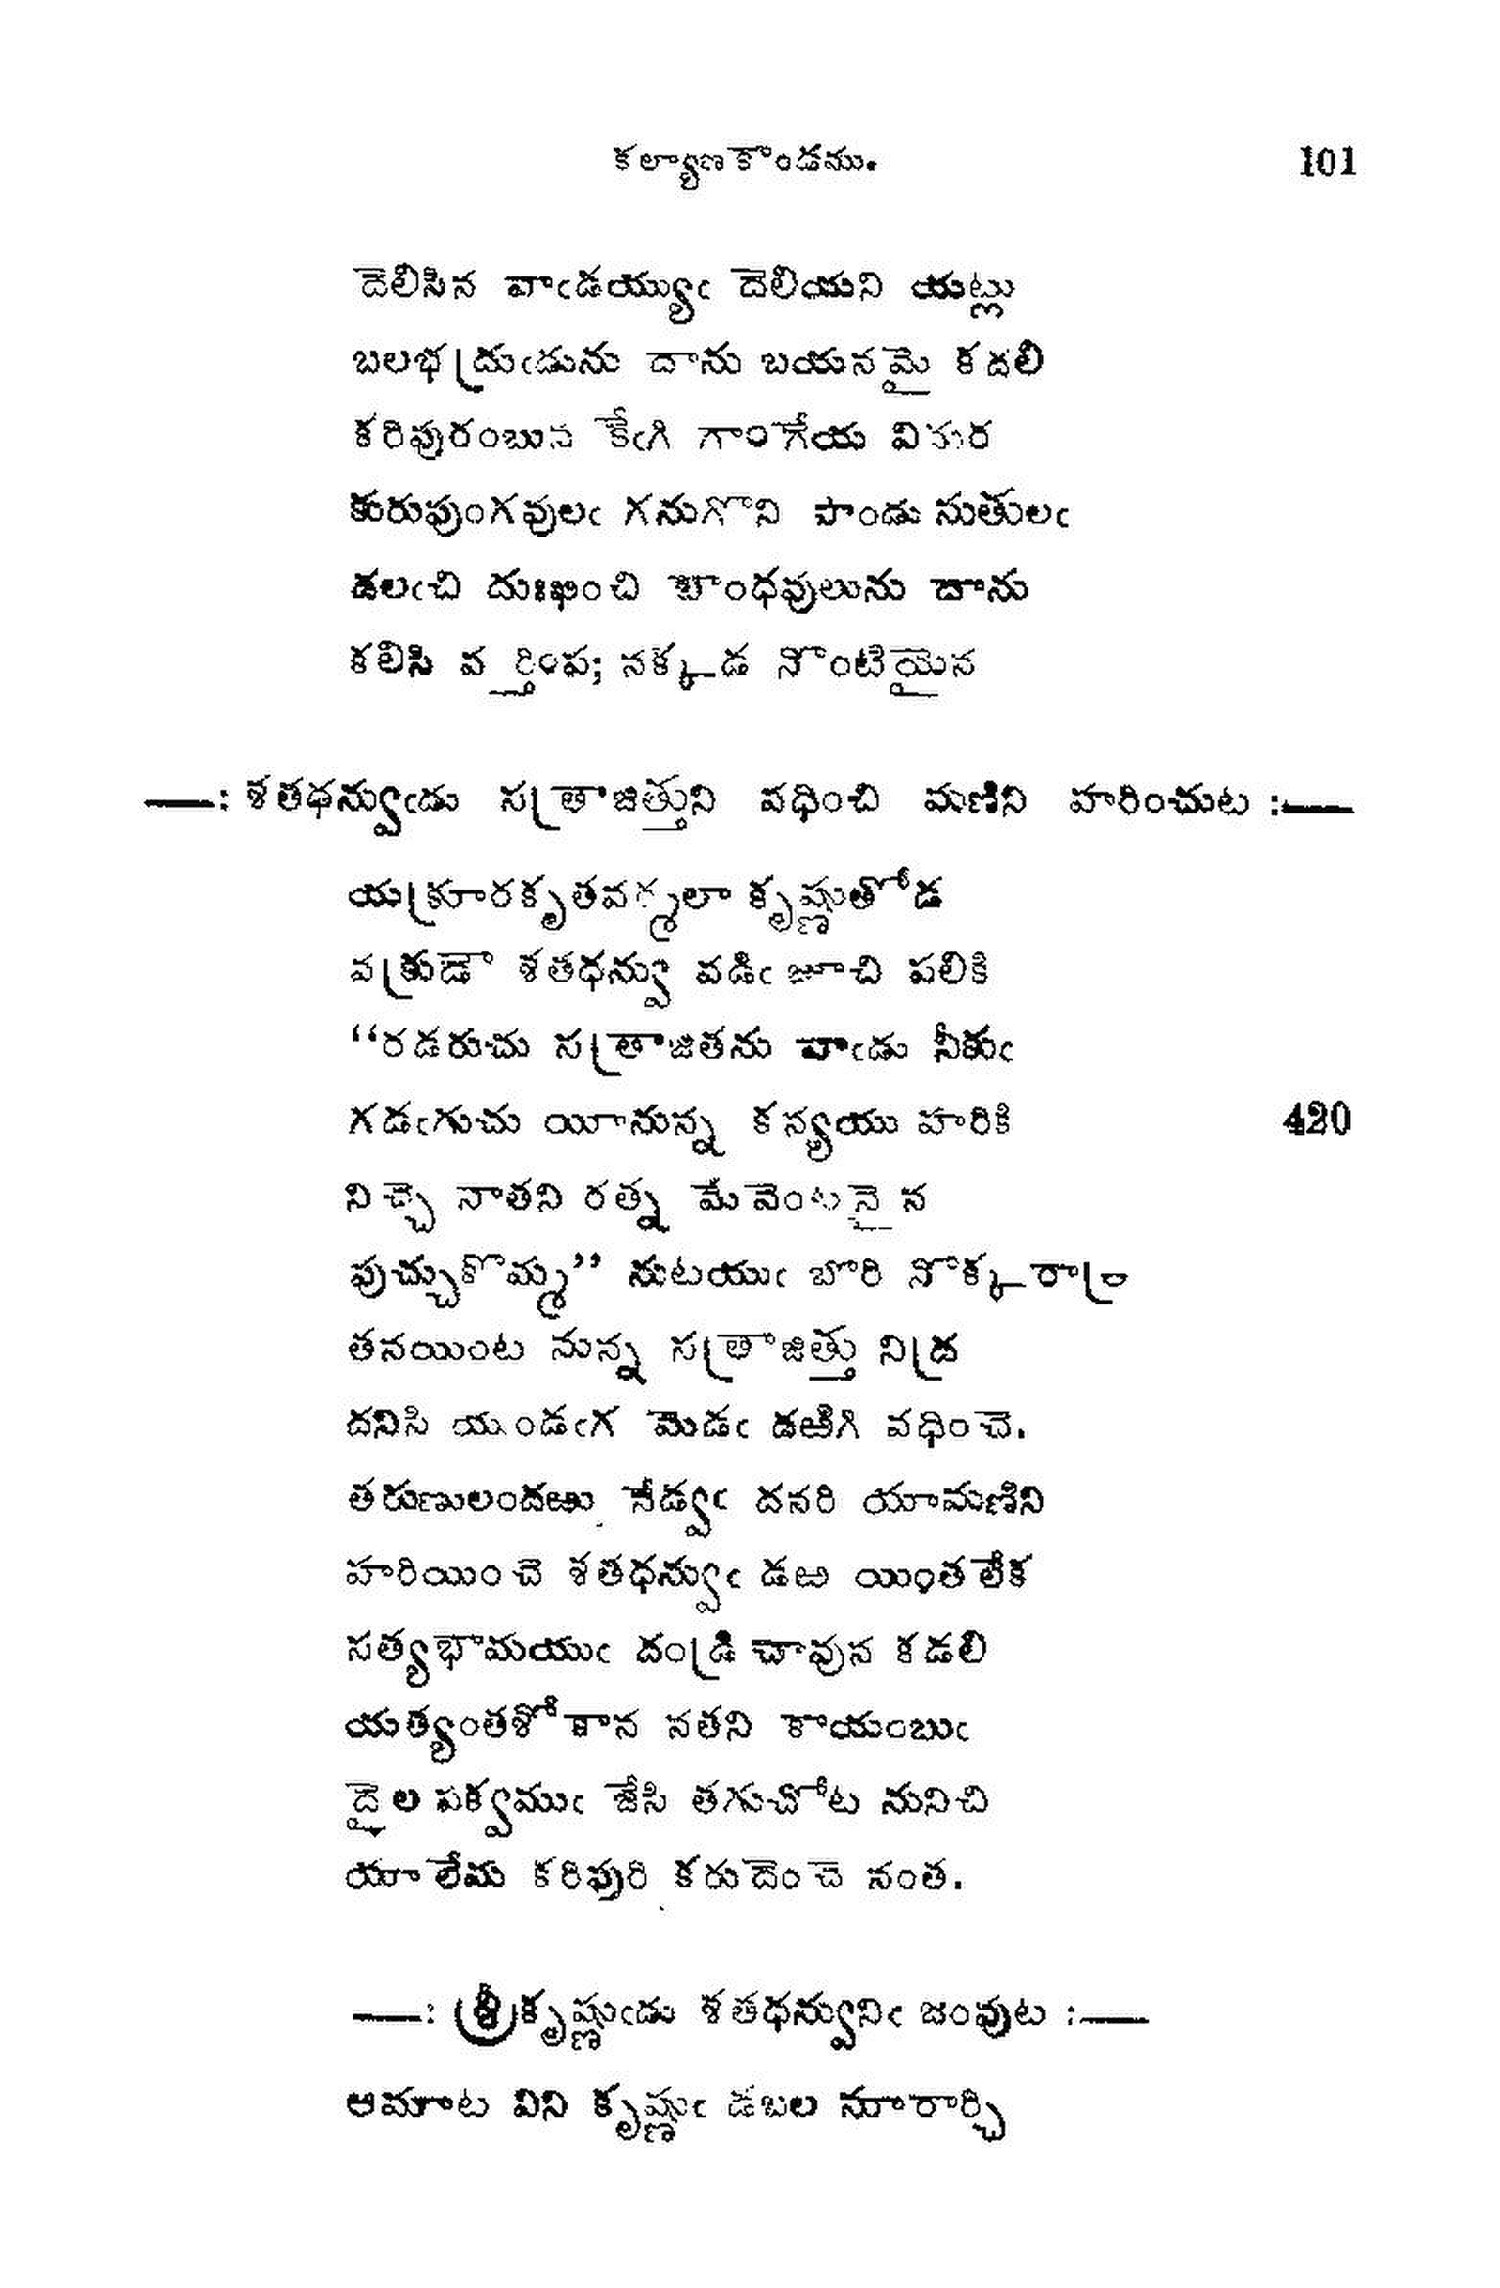దెలిసినవాఁడయ్యుఁ దెలియని యట్లు
బలభద్రుఁడును దాను బయనమై కదలి
కరిపురంబున కేఁగి గాంగేయ విదుర
కురుపుంగవులఁ గనుగొని పాండుసుతులఁ
దలఁచి దుఃఖించి బాంధవులును దాను
కలిసి వర్తింప; నక్కడ నొంటియైన

యక్రూరకృతవర్మ లా కృష్ణుతోడ
వక్రుడౌ శతధన్వు వడిఁ జూచి పలికి
“రడరుచు సత్రాజతను వాఁడు నీకుఁ
గడఁగుచు యీనున్న కన్యయు హరికి
నిచ్చె నాతని రత్న మే వెంట నై న
పుచ్చుకొమ్మ" నుటయుఁ బొరి నొక్క రాత్రి
తనయింట నున్న సత్రాజిత్తు నిద్ర
దనిసి యుండగ మెడఁ దఱిగి వధించె.
తరుణులందఱు నేడ్వఁ దనరి యామణిని
హరియించె శతధన్వుఁ డఱ యింతలేక
సత్యభామయుఁ దండ్రి చావున కడలి
యత్యంతశోకాన నతని కాయంబుఁ
దైలపక్వముఁ జేసి తగుచోట నునిచి
యా లేమ కరిపురి కరుదెంచె నంత.

ఆమాట విని కృష్ణుఁ డబల నూరార్చి